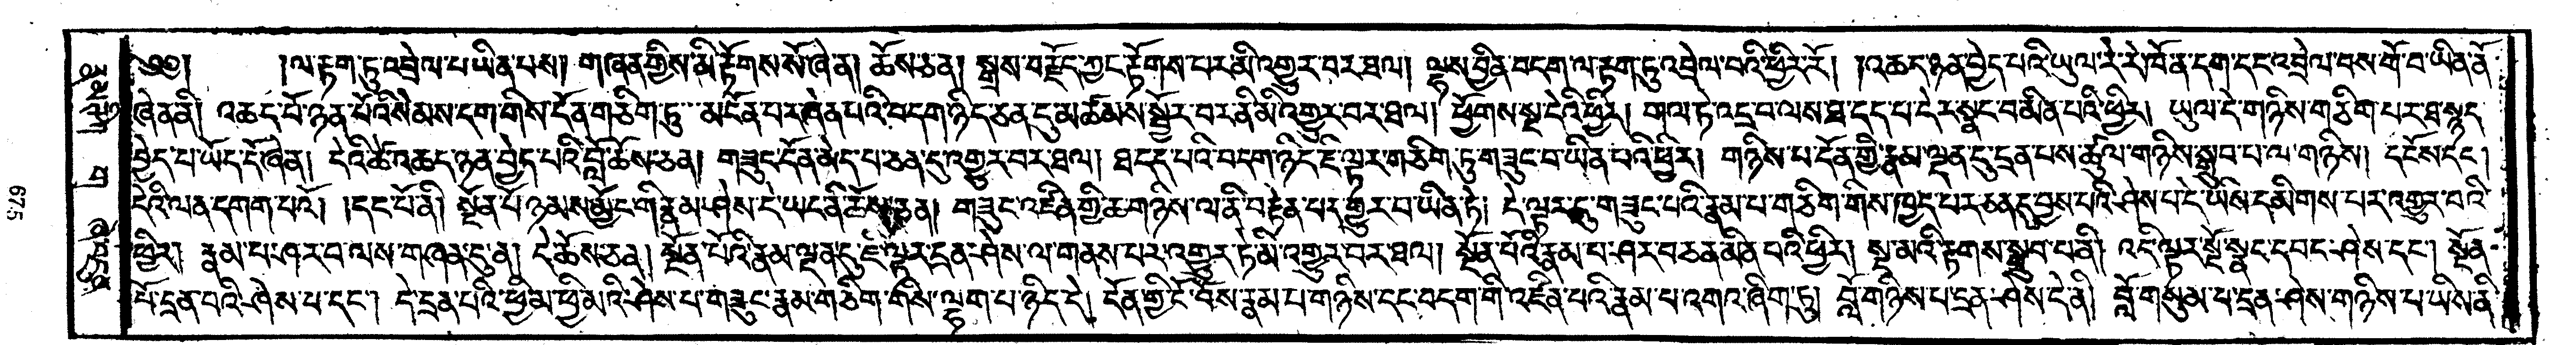༄༅། །ལ་རྟག་ཏུ་འབྲེལ་པ་ཡིན་པས། གཞན་གྱིས་མི་རྟོགས་སོ་ཞེ་ན། ཆོས་ཅན། སྒྲས་བརྗོད་ཀྱང་རྟོགས་པར་མི་འགྱུར་བར་ཐལ། ལྷས་བྱིན་བདག་ལ་རྟག་ཏུ་འབྲེལ་པའི་ཕྱིར་རོ། །འཆད་ཉན་བྱེད་པའི་ཡུལ་རེ་རེ་ཁོ་ན་དག་དང་འབྲེལ་པས་གོ་བ་ཡིན་ནོ་
ཞེན་ནི། འཆད་པོ་ཉན་པོའི་སེམས་དག་གིས་དོན་གཅིག་ཏུ་མངོན་པར་ཞེན་པའི་བདག་ཉིད་ཅན་དུ་མཚམས་སྦྱོར་བར་ནི་མི་འགྱུར་བར་ཐལ། ཕྱོགས་སྔ་དེའི་ཕྱིར། གལ་ཏེ་འདྲ་བ་ལས་ཐ་དད་པ་དེར་སྣང་བ་མིན་པའི་ཕྱིར། ཡུལ་དེ་གཉིས་གཅིག་པར་ཐ་སྙད་
བྱེད་པ་ཡོད་དོ་ཞེ་ན། དེའི་ཚེ་འཆད་ཉན་བྱེད་པའི་བློ་ཆོས་ཅན། གཟུང་དོན་མེད་པ་ཅན་དུ་འགྱུར་བར་ཐལ། ཐ་དད་པའི་བདག་ཉིད་ཇི་ལྟར་གཅིག་ཏུ་གཟུང་བ་ཡིན་པའི་ཕྱིར། གཉིས་པ་དོན་གྱི་རྣམ་ལྡན་དུ་དྲན་པས་ཚུལ་གཉིས་སྒྲུབ་པ་ལ་གཉིས། དངོས་དང་།
དེའི་ལན་དགག་པའོ། །དང་པོ་ནི། སྔོན་པོ་ཉམས་མྱོང་གི་རྣམ་ཤེས་དེ་ཡང་ནི་ཆོས་ཅན། གཟུང་འཛིན་གྱི་ཆ་གཉིས་ལ་ནི་བརྟེན་པར་གྱུར་བ་ཡིན་ཏེ། དེ་ལྟར་དུ་གཟུང་པའི་རྣམ་པ་གཅིག་གིས་ཁྱད་པར་ཅན་དུ་བྱས་པའི་ཤེས་པ་དེ་ཡིས་དམིགས་པར་འགྱུར་བའི་
ཕྱིར། རྣམ་པ་ཤར་བ་ལས་གཞན་དུ་ན། དེ་ཆོས་ཅན། སྔོན་པོའི་རྣམ་ལྡན་དུ་ཇི་ལྟར་དྲན་ཤེས་ལ་གནས་པར་འགྱུར་ཏེ་མི་འགྱུར་བར་ཐལ། སྔོན་པོའི་རྣམ་པ་ཤར་བ་ཅན་མིན་པའི་ཕྱིར། སྔ་མའི་རྟགས་སྒྲུབ་པ་ནི། འདི་ལྟར་སྔོ་སྣང་དབང་ཤེས་དང་། སྔོན་
པོ་དྲན་པའི་ཤེས་པ་དང་། དེ་དྲན་པའི་ཕྱི་མ་ཕྱི་མའི་ཤེས་པ་གཟུང་རྣམ་གཅིག་གིས་ལྷག་པ་ཉིད་དེ། དོན་གྱི་ངོ་བོས་རྣམ་པ་གཉིས་དང་བདག་གི་འཛིན་པའི་རྣམ་པ་འགའ་ཞིག་ཏུ། བློ་གཉིས་པ་དྲན་ཤེས་དེ་ནི། བློ་གསུམ་པ་དྲན་ཤེས་གཉིས་པ་ཡིས་ནི་